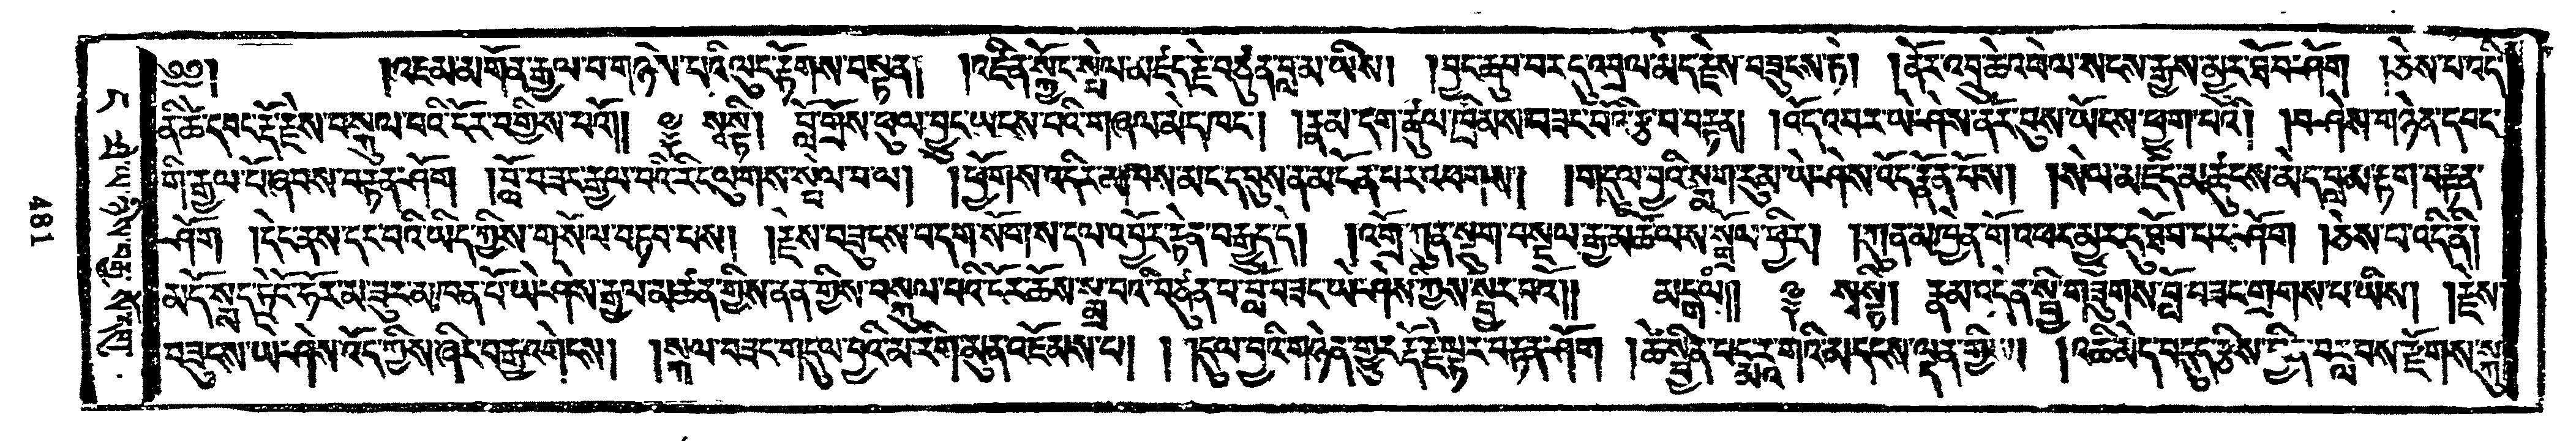༄༅། །འཇམ་མགོན་རྒྱལ་བ་གཉིས་པའི་ལུང་རྟོགས་བསྟན། །འཛིན་སྐྱོང་སྤེལ་མཛད་རྗེ་བཙུན་བླ་མ་ཡིས། །བྱང་ཆུབ་བར་དུ་འབྲལ་མེད་རྗེས་བཟུངས་ཏེ། །ནོར་འབྲུ་ཆེ་འཕེལ་སངས་རྒྱས་མྱུར་ཐོབ་ཤོག །ཅེས་པ་འདི་
ནི་ཚེ་དབང་རྡོ་རྗེས་བསྐུལ་བའི་ངོར་བགྱིས་པའོ།། ༈སྭསྟི། བློ་གྲོས་ཕུལ་བྱུང་ཡངས་བའི་གཞལ་མེད་ཁང་། །རྣམ་དག་ཚུལ་ཁྲིམས་བཟང་པོའི་རྩ་བ་བརྟན། །འོད་འབར་ཡེ་ཤེས་ནོར་བུས་ཡོངས་ཕྱུག་པའི། །བཤེས་གཉེན་དབང་
གི་རྒྱལ་པོ་ཞབས་བརྟན་ཤོག །བློ་བཟང་རྒྱལ་བའི་རིང་ལུགས་སྤེལ་བ་ལ། །ཕྱོགས་འདིར་མཁས་མང་དབུས་ན་མངོན་པར་འཕགས། །གདུལ་བྱའི་སྨག་རུམ་ཡེ་ཤེས་འོད་རྣོན་པོས། །སེལ་མཛད་མཚུངས་མེད་བླ་མ་རྟག་བརྟན་
ཤོག །དེང་ནས་དང་བའི་ཡིད་ཀྱིས་གསོལ་བཏབ་པས། །རྗེས་བཟུངས་བདག་སོགས་དལ་འབྱོར་རྟེན་བརྒྱུད་དེ། །འགྲོ་ཀུན་སྡུག་བསྔལ་རྒྱ་མཚོ་ལས་སྒྲོལ་ཕྱིར། །ཀུན་མཁྱེན་གོ་འཕར་མྱུར་དུ་ཐོབ་པར་ཤོག །ཅེས་པ་འདི་ནི།
མདོ་སྨད་ཏྲེའོ་ཧོར་མ་ཟུར་མཁན་པོ་ཡེ་ཤེས་རྒྱལ་མཚན་གྱིས་ནན་གྱིས་བསྐུལ་བའི་ངོར་ཆོས་སྨྲ་བའི་བཙུན་པ་བློ་བཟང་ཡེ་ཤེས་ཀྱིས་སྦྱར་བའོ།། མངྒལཾ། །༈སྭསྟི། རྣམ་འདྲེན་སྦྱི་གཟུགས་བློ་བཟང་གྲགས་པ་ཡིས། །རྗེས་
བཟུངས་ཡེ་ཤེས་འོད་ཀྱིས་ཞིང་བརྒྱ་འགེངས། །སྐལ་བཟང་གདུལ་བྱའི་མ་རིག་མུན་འཇོམས་པ། །གདུལ་བྱའི་གཉེན་གྱུར་རྡོ་རྗེ་ལྟར་བརྟན་ཤོག །ཚེ་སྦྱིན་པདམ་རཱ་གའི་མདངས་ལྡན་གྱིས། །འཆི་མེད་བདུད་རྩིས་བྱིན་བརླབས་རྫོགས་སྐུ་